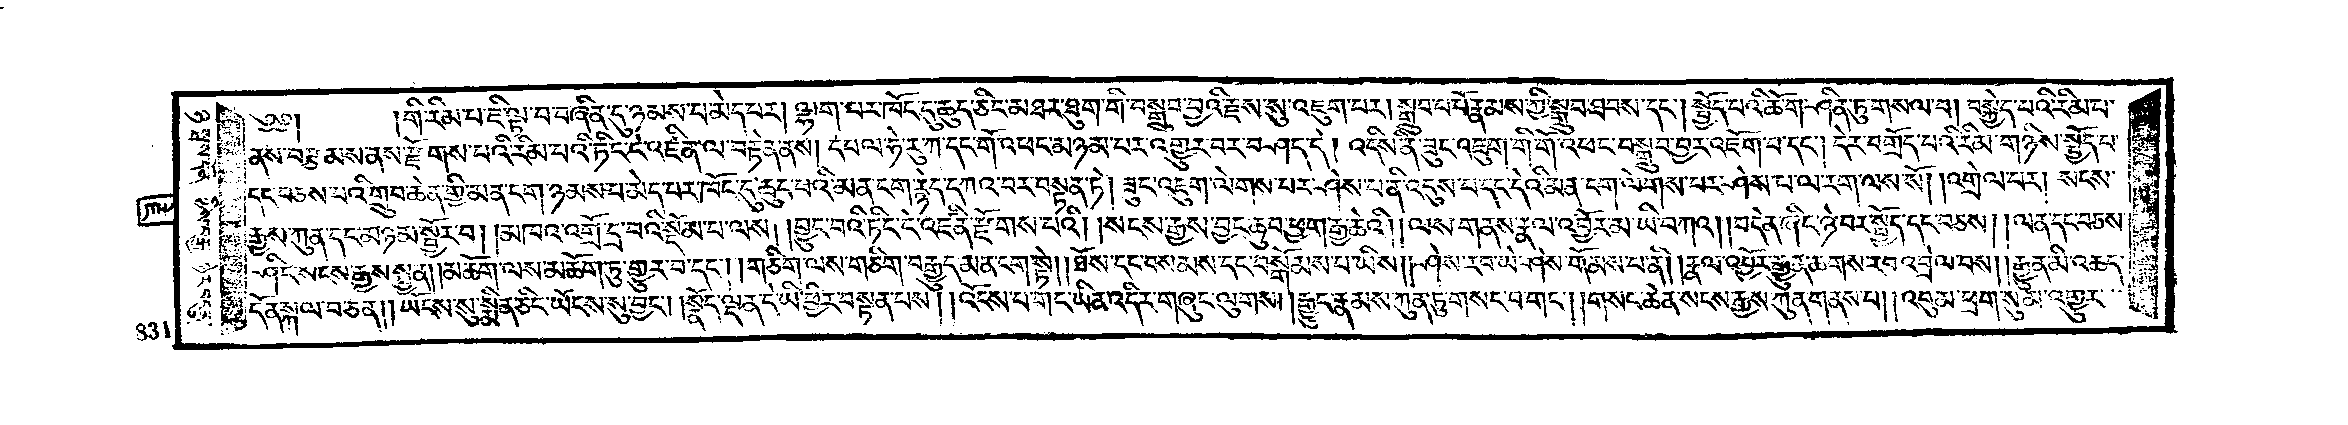༄༅། །གི་རིམ་པ་ཇི་ལྟ་བ་བཞིན་དུ་ཉམས་པ་མེད་པར། ལྷག་པར་ཁོང་དུ་ཆུད་ཅིང་མཐར་ཐུག་གི་བསྒྲུབ་བྱའི་རྗེས་སུ་འཇུག་པར། སྒྲུབ་པ་པོ་རྣམས་ཀྱི་སྒྲུབ་ཐབས་དང་། སྤྱོད་པའི་ཆོ་ག་ཤིན་ཏུ་གསལ་བ། བསྐྱེད་པའི་རིམ་པ་
ནས་བརྩམས་ནས་རྫོགས་པའི་རིམ་པའི་ཏིང་ངེ་འཛིན་ལ་བརྟེན་ནས། དཔལ་ཧེ་རུ་ཀ་དང་གོ་འཕང་མཉམ་པར་འགྱུར་བར་བཤད་དེ། འདིས་ནི་ཟུང་འཇུག་གི་གོ་འཕང་བསྒྲུབ་བྱར་འཇོག་པ་དང་། དེར་བགྲོད་པའི་རིམ་གཉིས་སྤྱོད་པ་
དང་བཅས་པའི་གྲུབ་ཆེན་གྱི་མན་ངག་ཉམས་པ་མེད་པར་ཁོང་དུ་ཆུད་པའི་མན་ངག་རྙེད་དཀའ་བར་བསྟན་ཏེ། ཟུང་འཇུག་ལེགས་པར་ཤེས་པ་ནི་འདུས་པ་དང་དེའི་མན་ངག་ལེགས་པར་ཤེས་པ་ལ་རག་ལས་སོ། །འགྲེལ་པར། སངས་
རྒྱས་ཀུན་དང་མཉམ་སྦྱོར་བ། །མཁའ་འགྲོ་དྲ་བའི་སྡོམ་པ་ལས། །བྱུང་བའི་ཏིང་ངེ་འཛིན་རྫོགས་པའི། །སངས་རྒྱས་བྱང་ཆུབ་ཕྱག་རྒྱ་ཆེའི། །ལས་གནས་རྣལ་འབྱོར་མ་ཡི་བཀའ། །བདེན་ཞིང་ཉེ་བར་སྤྱོད་དང་བཅས། །ལན་དང་བཅས་
ཤིང་སངས་རྒྱས་སྤྱན། །མཆོག་ལས་མཆོག་ཏུ་གྱུར་བ་དང་། །གཅིག་ལས་གཅིག་བརྒྱུད་མན་ངག་སྟེ། །ཐོས་དང་བསམས་དང་བསྒོམས་པ་ཡིས། །ཤེས་རབ་ཡེ་ཤེས་གོམས་པ་ནི། །རྣལ་འབྱོར་རྒྱུན་ཆགས་རབ་འབྲེལ་བས། །རྒྱུན་མི་འཆད་
དོན་སྐལ་བ་ཅན། །ཡོངས་སུ་སྨིན་ཅིང་ཡོངས་སུ་བྱེད། །སྣོད་ལྡན་དེ་ཡི་ཕྱིར་བསྟན་པས། །འོངས་པ་གང་ཡིན་འདིར་གཞུང་ལུགས། །རྒྱུད་རྣམས་ཀུན་ཏུ་གསང་བ་གང་། །གསང་ཆེན་སངས་རྒྱས་ཀུན་གནས་པ། །འབུམ་ཕྲག་སུམ་འགྱུར་